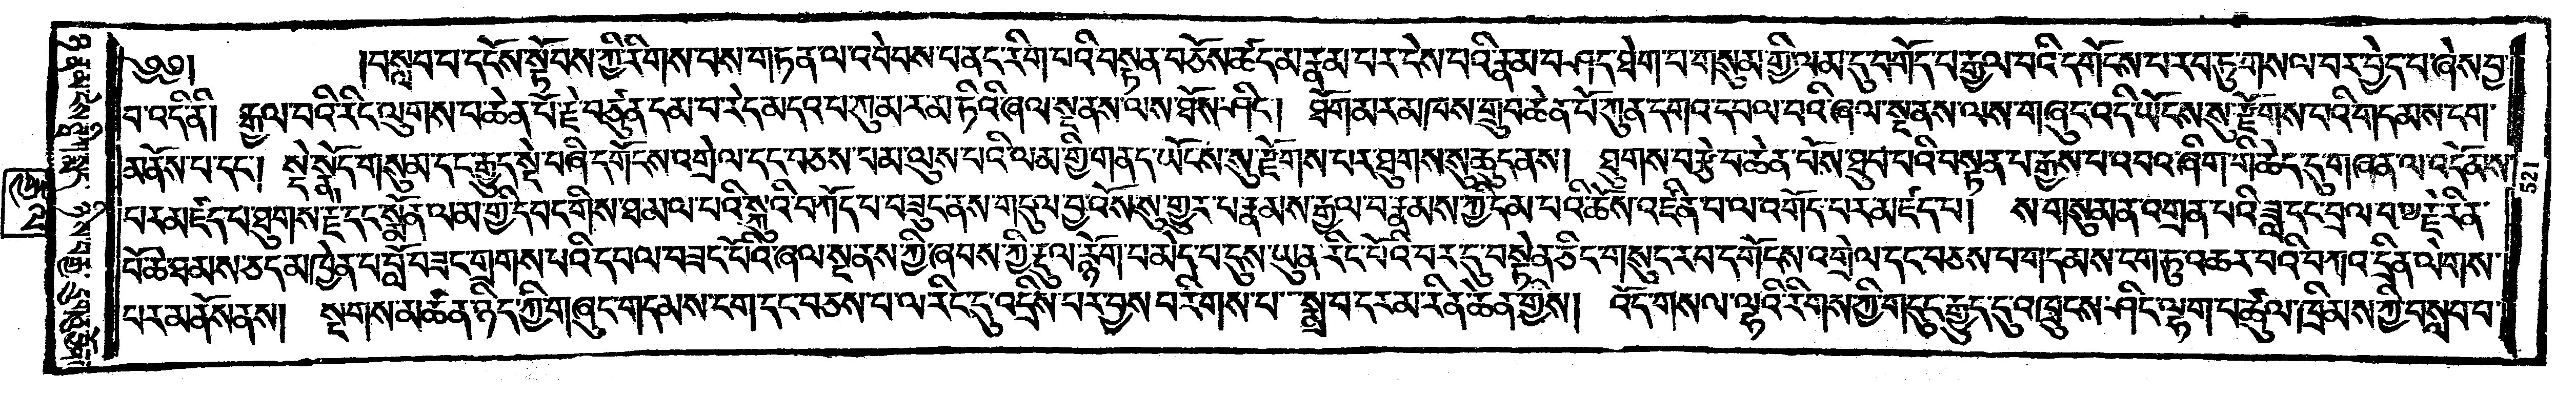༄༅། །བསླབ་པ་དངོས་སྟོབས་ཀྱི་རིགས་པས་གཏན་ལ་འབེབས་པ་ནང་རིག་པའི་བསྟན་བཅོས་ཚད་མ་རྣམ་པར་ངེས་པའི་རྣམ་བཤད་ཐེག་པ་གསུམ་གྱི་ལམ་དུ་བགོད་པ་རྒྱལ་བའི་དགོངས་པ་རབ་ཏུ་གསལ་བར་བྱེད་པ་ཞེས་བྱ་
བ་འདི་ནི། རྒྱལ་བའི་རིང་ལུགས་པ་ཆེན་པོ་རྗེ་བཙུན་དམ་པ་རེད་མདའ་པ་ཀུ་མ་ར་མ་ཏིའི་ཞལ་སྔ་ནས་ལས་ཐོས་ཤིང་། ཐོག་མར་མཁས་གྲུབ་ཆེན་པོ་ཀུན་དགའ་དཔལ་བའི་ཞལ་སྔ་ནས་ལས་གཞུང་འདི་ཡོངས་སུ་རྫོགས་པའི་གདམས་ངག་
མནོས་པ་དང་། སྡེ་སྣོད་གསུམ་དང་རྒྱུད་སྡེ་བཞི་དགོངས་འགྲེལ་དང་བཅས་པམ་ལུས་པའི་ལམ་གྱི་གནད་ཡོངས་སུ་རྫོགས་པར་ཐུགས་སུ་ཆུད་ནས། ཐུགས་བརྩེ་བ་ཆེན་པོས་ཐུབ་པའི་བསྟན་པ་རྒྱས་པ་འབའ་ཞིག་གི་ཆེད་དུ་གཞན་ལ་འདོམས་
པར་མཛད་པ་ཐུགས་རྗེ་དང་སྨོན་ལམ་གྱི་དབང་གིས་ཐ་མལ་པའི་སྐུའི་བཀོད་པ་བཟུང་ནས་གདུལ་བྱ་འོས་སུ་གྱུར་པ་རྣམས་རྒྱལ་བ་རྣམས་ཀྱི་དམ་པའི་ཆོས་འཛིན་པ་ལ་འགོད་པར་མཛད་པ། ས་གསུམ་ན་འགྲན་པའི་ཟླ་དང་བྲལ་བ་རྗེ་རིན་
པོ་ཆེ་ཐམས་ཅད་མཁྱེན་པ་བློ་བཟང་གྲགས་པའི་དཔལ་བཟང་པོའི་ཞལ་སྔ་ནས་ཀྱི་ཞབས་ཀྱི་རྡུལ་རྙོག་པ་མེད་པ་དུས་ཡུན་རིང་པོའི་བར་དུ་བསྟེན་ཅིང་གསུང་རབ་དགོངས་འགྲེལ་དང་བཅས་པ་གདམས་ངག་ཏུ་འཆར་བའི་བཀའ་དྲིན་ལེགས་
པར་མནོས་ནས། སྔགས་མཚན་ཉིད་ཀྱི་གཞུང་གདམས་ངག་དང་བཅས་པ་ལ་རིང་དུ་འདྲིས་པར་བྱས་པ་རིགས་པ་སྨྲ་བ་དར་མ་རིན་ཆེན་གྱིས། འོད་གསལ་ལྷའི་རིགས་ཀྱི་གདུང་རྒྱུད་དུ་འཁྲུངས་ཤིང་ལྷག་པ་ཚུལ་ཁྲིམས་ཀྱི་བསླབ་པ་